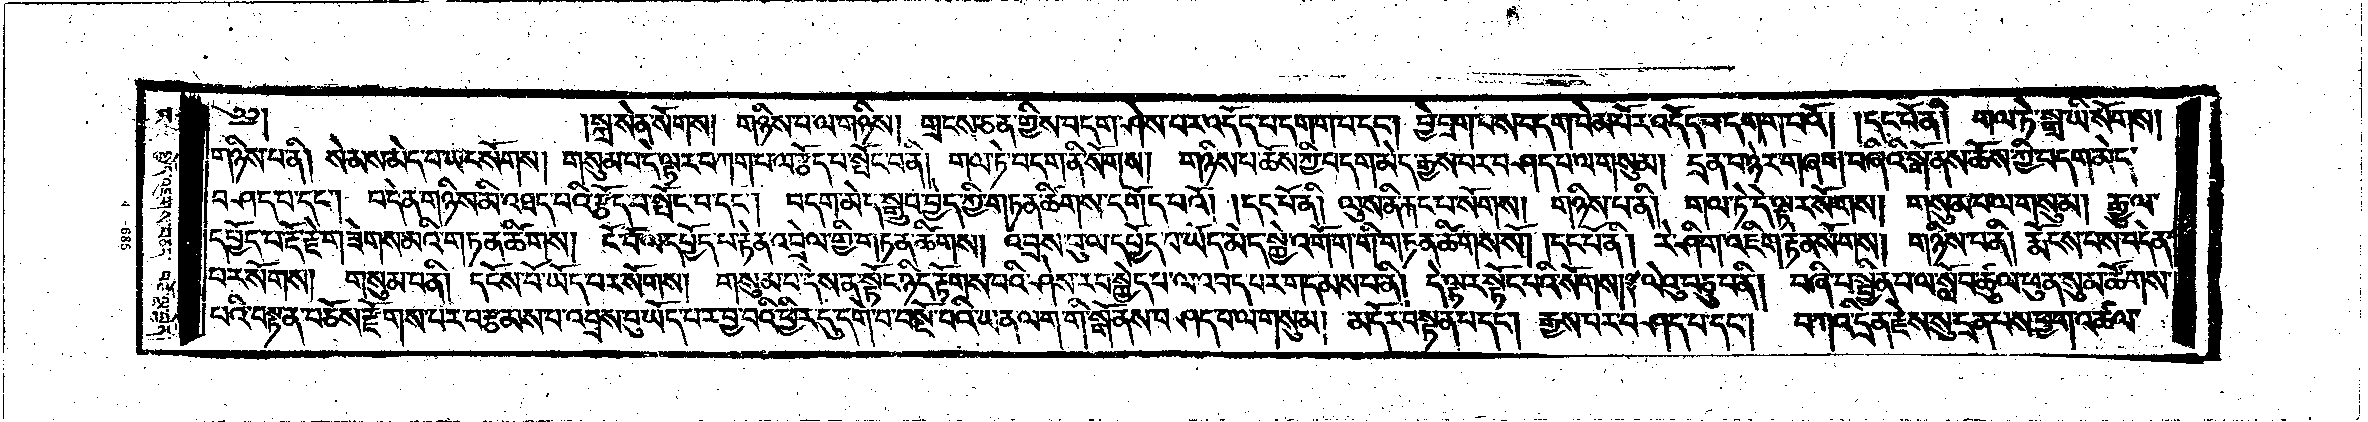༄༅། །སྐྲ་སེན་སོགས། གཉིས་པ་ལ་གཉིས། གྲངས་ཅན་གྱིས་བདག་ཤེས་པར་འདོད་པ་དགག་པ་དང་། བྱེ་བྲག་པས་བདག་བེམ་པོར་འདོད་པ་དགག་པའོ། །དང་པོ་ནི། གལ་ཏེ་སྒྲ་ཡི་སོགས།
གཉིས་པ་ནི། སེམས་མེད་པ་ཡང་སོགས། གསུམ་པ་དེ་ལྟར་བཀག་པ་ལ་རྩོད་པ་སྤོང་བ་ནི། གལ་ཏེ་བདག་ནི་སོགས། གཉིས་པ་ཆོས་ཀྱི་བདག་མེད་རྒྱས་པར་བཤད་པ་ལ་གསུམ། དྲན་པ་ཉེར་གཞག་བཞིའི་སྒོ་ནས་ཆོས་ཀྱི་བདག་མེད་
བཤད་པ་དང་། བདེན་གཉིས་མི་འཐད་པའི་རྩོད་པ་སྤོང་བ་དང་། བདག་མེད་སྒྲུབ་བྱེད་ཀྱི་གཏན་ཚིགས་དགོད་པའོ། །དང་པོ་ནི། ལུས་ནི་རྐང་པ་སོགས། གཉིས་པ་ནི། གལ་ཏེ་དེ་ལྟར་སོགས། གསུམ་པ་ལ་གསུམ། རྒྱུ་ལ་
དཔྱོད་བ་རྡོ་རྗེ་གཟེགས་མའི་གཏན་ཚིགས། ངོ་བོ་ལ་དཔྱོད་པ་རྟེན་འབྲེལ་གྱི་གཏན་ཚིགས། འབྲས་བུ་ལ་དཔྱོད་པ་ཡོད་མེད་སྐྱེ་འགོག་གི་གཏན་ཚིགས་སོ། །དང་པོ་ནི། རེ་ཤིག་འཇིག་རྟེན་སོགས། གཉིས་པ་ནི། རྨོངས་པས་བདེན་
པར་སོགས། གསུམ་པ་ནི། དངོས་པོ་ཡོད་པར་སོགས། གསུམ་པ་དེས་ན་སྟོང་ཉིད་རྟོགས་པའི་ཤེས་རབ་སྐྱེད་པ་ལ་འབད་པར་གདམས་པ་ནི། དེ་ལྟར་སྟོང་པའི་སོགས། ༈ ལེའུ་བཅུ་པ་ནི། བཞི་པ་སྦྱིན་པ་ལ་སློབ་ཚུལ་ཕུན་སུམ་ཚོགས་
པའི་བསྟན་བཅོས་རྫོགས་པར་བརྩམས་པ་འབྲས་བུ་ཡོད་པར་བྱ་བའི་ཕྱིར་དུ་དགེ་བ་བསྔོ་བའི་ཡན་ལག་གི་སྒོ་ནས་བཤད་པ་ལ་གསུམ། མདོར་བསྟན་པ་དང་། རྒྱས་པར་བཤད་པ་དང་། བཀའ་དྲིན་རྗེས་སུ་དྲན་པས་ཕྱག་འཚལ་